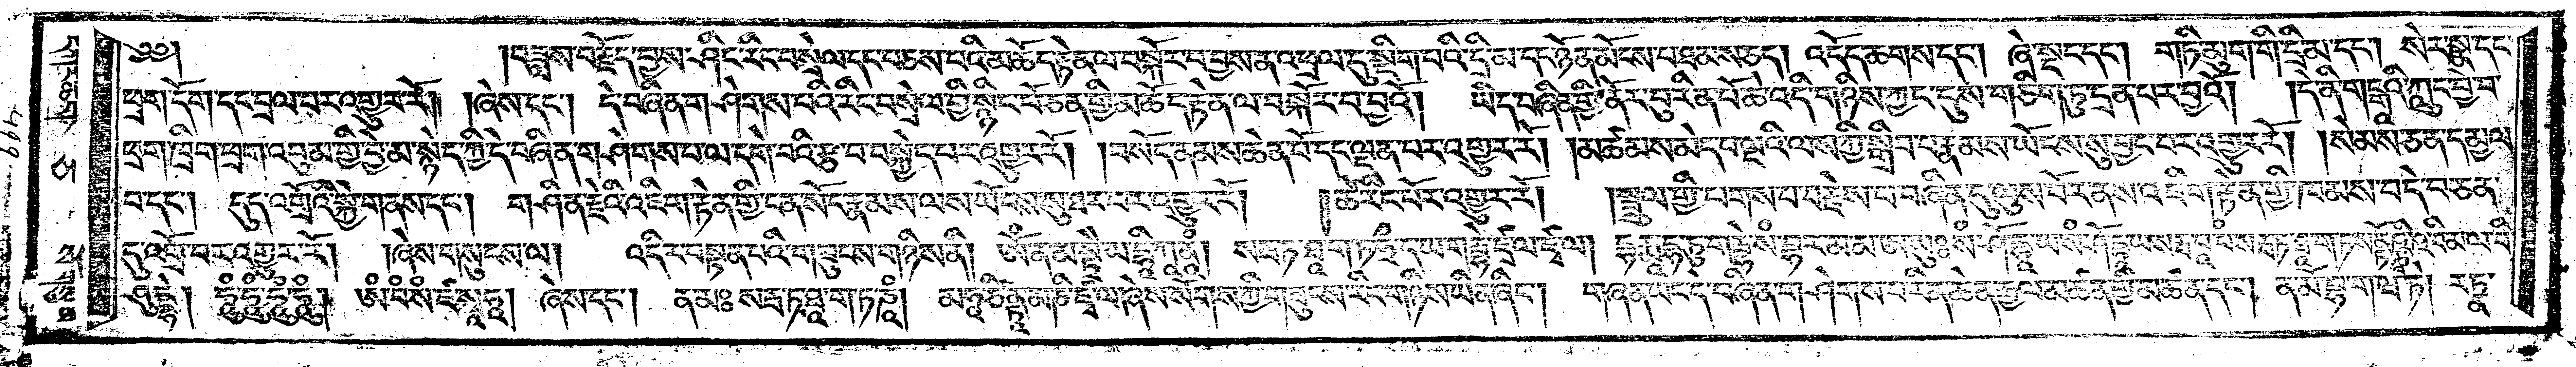༄༅། །བཟླས་བརྗོད་བྱས་ཤིང་རིང་བསྲེལ་དང་བཅས་བའི་མཆོད་རྟེན་ལ་བསྐོར་བ་བྱས་ན་འཕྲལ་དུ་སྡྲིག་པའི་དྲི་མ་དང་ཉོན་མོངས་པ་ཐམས་ཅད། འདོད་ཆགས་དང་། ཞེ་སྡང་དང་། གཏི་མུག་གི་དྲི་མ་དང་། སེར་སྣ་དང་
ཕྲག་དོག་དང་བྲལ་བར་འགྱུར་རོ། །ཞེས་དང་། དེ་བཞིན་གཤེགས་པའི་རིང་བསྲེལ་གྱི་སྙིང་པོ་ཅན་གྱི་མཆོད་རྟེན་ལ་བསྐོར་བ་བྱའོ། །ཡིད་བཞིན་གྱི་ནོར་བུ་རིན་པོ་ཆེ་འདི་གཉིས་ཀྱང་དུས་གཅིག་ཏུ་དྲན་པར་བྱའོ། །དེ་ནི་གངྒཱའི་ཀླུང་བྱ་བ་
ཕྲག་ཁྲིག་ཁྲག་འབུམ་གྱི་བྱེ་མ་སྙེད་ཀྱི་དེ་བཞིན་གཤེགས་པ་ལ་དགེ་བའི་རྩ་བ་བསྐྱེད་པར་འགྱུར་རོ། །བསོད་ནམས་ཆེན་པོ་དང་ལྡན་པར་འགྱུར་རོ། །མཚམས་མེད་པ་ལྔའི་ལས་ཀྱི་སྒྲིབ་པ་རྣམས་ཡོངས་སུ་བྱང་བར་འགྱུར་རོ། །སེམས་ཅན་དམྱལ་
བ་དང་། དུད་འགྲོའི་སྐྱེ་གནས་དང་། གཤིན་རྗེའི་འཇིག་རྟེན་གྱི་ངན་སོང་རྣམས་ལས་ཡོངས་སུ་ཐར་བར་འགྱུར་རོ། ཚེ་རིང་པོར་འགྱུར་རོ། །སྦྲུལ་གྱི་པགས་པ་བརྗེས་པ་བཞིན་དུ་ལུས་བོར་ནས་འཇིག་རྟེན་གྱི་ཁམས་བདེ་བ་ཅན་
དུ་འགྲོ་བར་འགྱུར་རོ། །ཞེས་གསུངས་ལ། འདིར་བསྟན་པའི་གཟུངས་གཉིས་ནི། ཨོཾ་ན་མ་སྟྲཻ་ཡ་དྷཱི་ཀཱ་ནཱཾ། སརྦ་ཏ་ཐཱ་ག་ཏ་ཧྲྀ་ད་ཡ་གརྦྷེ་ཛྭ་ལ་ཛྭ་ལ། དྷརྨཱ་དྷ་ཏུ་གརྦྷེ་སཾ་བྷ་ར་མ་མ་ཨ་ཡུཿ སཾ་ཤོ་དྷཱ་ཡ་སཾ་ཤོདྷཱ་ཡ་སརྦ་བཱ་བ་སརྦ་ཏ་ཐཱ་ག་ཏ་སནྟོཥྣི་ཥ་བིམ་ལ་བི་
ཤུདྡྷེ། ཧཱུཾ་ཧཱུཾ་ཧཱུཾ་ཧཱུཾ། ཨཾ་བཾ་སཾ་ཛ་སྭཱཧཱ། ཞེས་དང་། ན་མཿསརྦ་ཏ་ཐཱ་ག་ཏ་ཎཱཾ། མཧཱ་ཙིནྟཱ་མ་ཎི་ཛྭ་ལ་ཞེས་སོགས་ཀྱི་གཟུངས་རིང་གཉིས་ཡིན་ཞིང་། གཞན་ཡང་དེ་བཞིན་གཤེགས་པ་རིན་ཆེན་རྒྱལ་མཚན་གྱི་མཚན་དང་། ན་མོ་བྷ་ག་ཝ་ཏེ། རཏྣ་